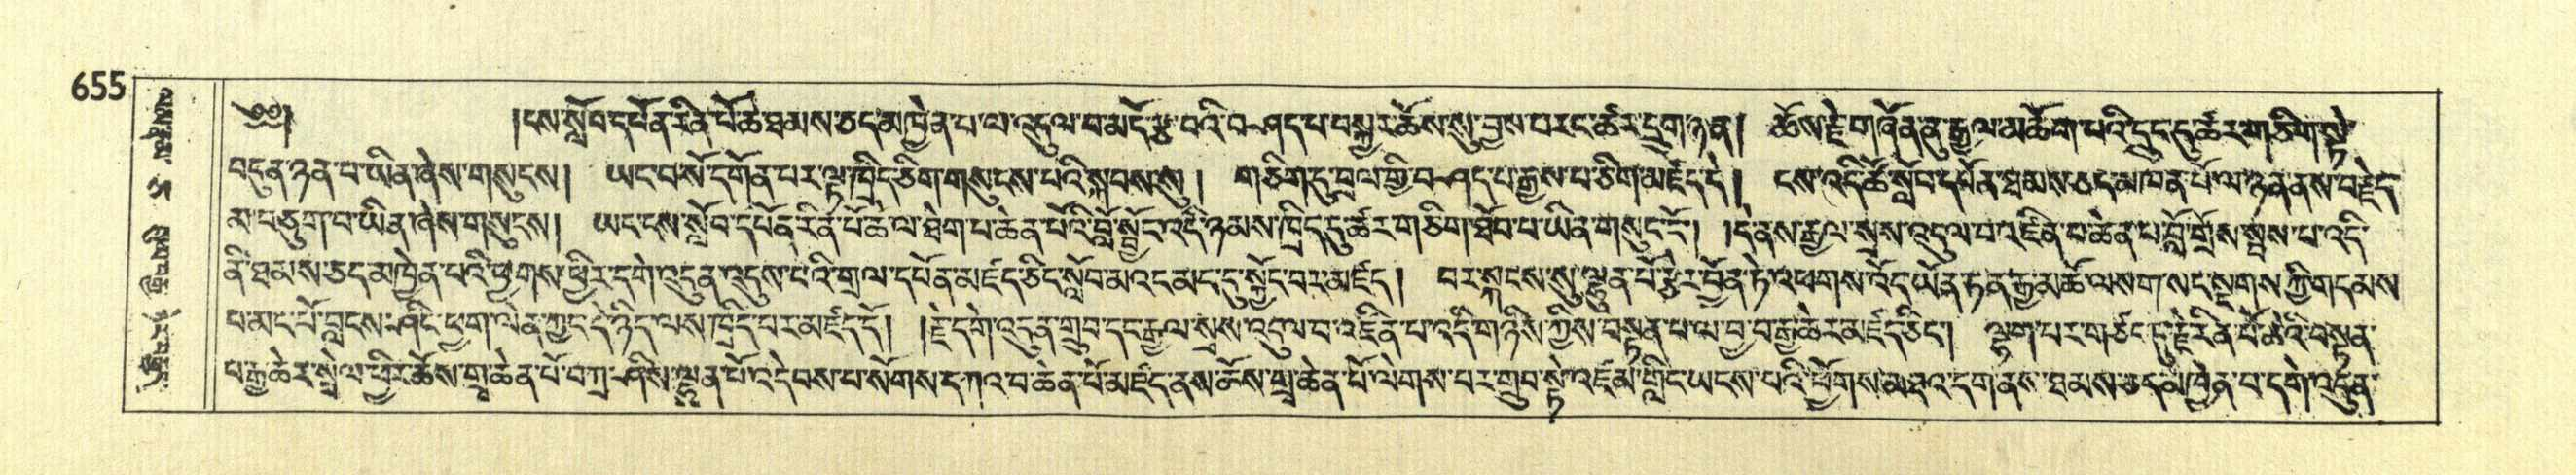༄༅། །ངས་སློབ་དཔོན་རིན་པོ་ཆེ་ཐམས་ཅད་མཁྱེན་པ་ལ་འདུལ་བ་མདོ་རྩ་བའི་བཤད་པ་བསྐྱར་ཆོས་སུ་བྱས་པ་རང་ཚར་དྲུག་ཉན། ཆོས་རྗེ་གཞོན་ནུ་རྒྱལ་མཆོག་པའི་དྲུང་དུ་ཚར་གཅིག་སྟེ་
བདུན་ཉན་པ་ཡིན་ཞེས་གསུངས། ཡང་བ་སོ་དགོན་པར་ལྟ་ཁྲིད་ཅིག་གསུངས་པའི་སྐབས་སུ། གཅིག་དུ་བྲལ་གྱི་བཤད་པ་རྒྱས་པ་ཅིག་མཛད་དེ། ངས་འདི་ཚོ་སློབ་དཔོན་ཐམས་ཅད་མཁན་པོ་ལ་ཉན་ནས་བརྗེད་
མ་བཅུག་པ་ཡིན་ཞེས་གསུངས། ཡང་ངས་སློབ་དཔོན་རིན་པོ་ཆེ་ལ་ཐེག་པ་ཆེན་པོའི་བློ་སྦྱོང་འདི་ཉམས་ཁྲིད་དུ་ཚར་གཅིག་ཐོབ་པ་ཡིན་གསུང་ངོ། །དེ་ནས་རྒྱལ་སྲས་འདུལ་བ་འཛིན་པ་ཆེན་པ་བློ་གྲོས་སྦས་པ་འདི་
ནི་ཐམས་ཅད་མཁྱེན་པའི་ཕྱགས་ཕྱིར་དགེ་འདུན་འདུས་པའི་གྲལ་དཔོན་མཛད་ཅིང་སློབ་མའང་མང་དུ་སྐྱོང་བར་མཛད། བར་སྐབས་སུ་ལྷུན་པོ་རྩེར་བྱོན་ཏེ་འཕགས་འོད་ཡོན་ཏན་རྒྱ་མཚོ་ལས་གསང་སྔགས་ཀྱི་གདམས་
པ་མང་པོ་བླངས་ཤིང་ཕྱག་ལེན་ཀྱང་དེ་ཉིད་ལས་ཁྲིད་པར་མཛད་དོ། །རྗེ་དགེ་འདུན་གྲུབ་དང་རྒྱལ་སྲས་འདུལ་བ་འཛིན་པ་འདི་གཉིས་ཀྱིས་བསྟན་པ་ལ་བྱ་བ་རྒྱ་ཆེར་མཛད་ཅིང་། ལྷག་པར་གཙང་དུ་རྗེ་རིན་པོ་ཆེའི་བསྟན་
པ་རྒྱ་ཆེར་སྤེལ་ཕྱིར་ཆོས་གྲྭ་ཆེན་པོ་བཀྲ་ཤིས་ལྷུན་པོ་འདེབས་པ་སོགས་དཀའ་བ་ཆེན་པོ་མཛད་ནས་ཆོས་གྲྭ་ཆེན་པོ་ལེགས་པར་གྲུབ་སྟེ་འཛམ་གླིང་ཡངས་པའི་ཕྱོགས་མཐའ་དག་ནས་ཐམས་ཅད་མཁྱེན་པ་དགེ་འདུན་